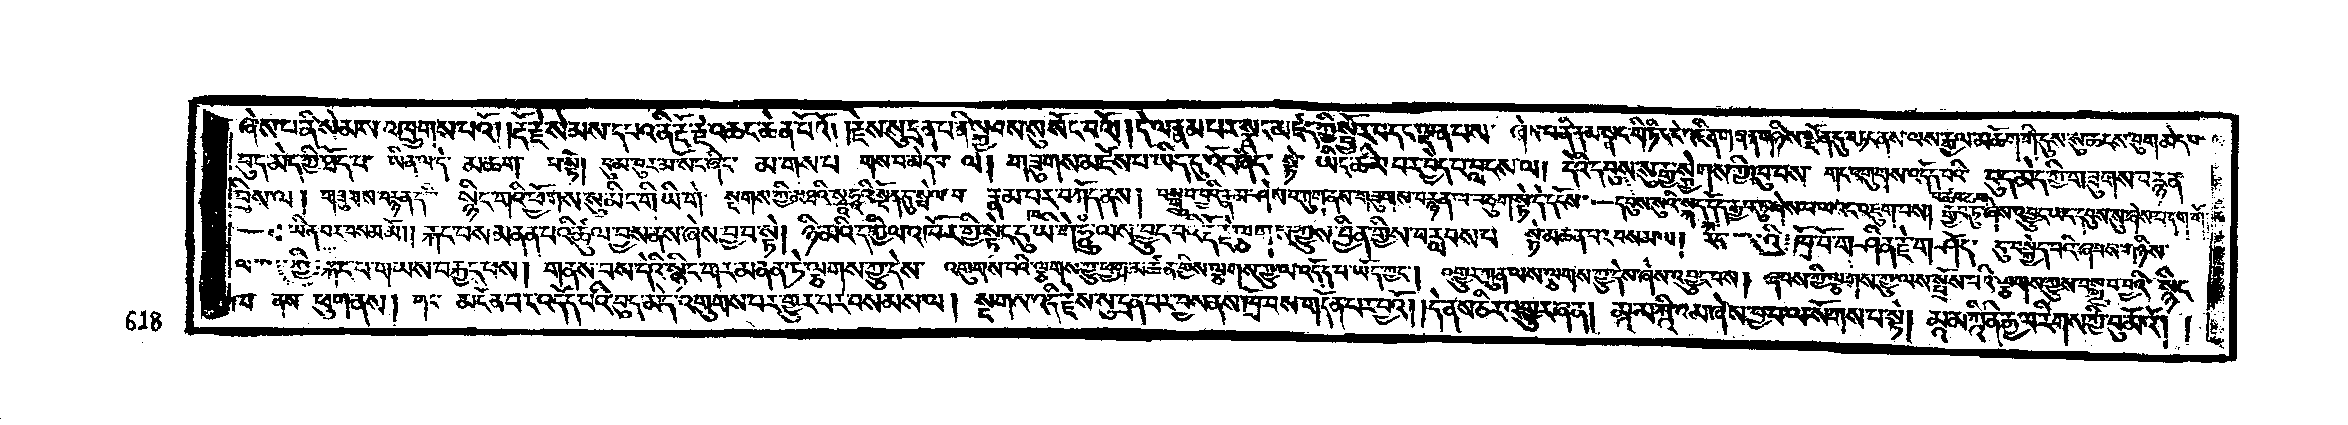ཞེས་པ་ནི་སེམས་འཁྲུགས་པའོ། །རྡོ་རྗེ་སེམས་དཔའ་ནི་རྡོ་རྗེ་འཆང་ཆེན་པོའོ། །རྗེས་སུ་དྲན་པ་ནི་སྐྱབས་སུ་སོང་བའོ། །དེ་ལ་རྣམ་པར་སྣང་མཛད་ཀྱི་སྦྱོར་བ་དང་ལྡན་པས་ཞེས་པ་ནི་རྣམ་སྣང་གི་ཏིང་ངེ་འཛིན་གཞན་གཉིས་སྔོན་དུ་བཏང་ནས་ལས་རྒྱལ་མཆོག་གི་དུས་སུ་ཚངས་བུག་མེད་པ
བུད་མེད་ཀྱི་ཐོད་པ་ཡིན་ལ་དེ་མ་ཆག་པ་སྟེ། དུམ་བུར་མ་སོང་ཞིང་མ་གས་པ་གས་པ་མེད་པ་ལ། གཟུགས་མཛེས་པ་ཡིད་དུ་འོང་ཞིང་སྟེ་ཡིད་ཚིམ་པར་བྱེད་པ་བླངས་ལ། དེའི་དབུས་སུ་རྒྱ་སྐྱེགས་ཀྱི་ཁུ་བས་གང་འགུགས་འདོད་པའི་བུད་མེད་ཀྱི་གཟུགས་བརྙན་
བྲིས་ལ། གཟུགས་བརྙན་དེའི་སྙིང་གའི་ཕྱོགས་སུ་མིང་གི་ཡི་གེ་སྔགས་ཀྱི་མཐའི་སྭཱ་ཧཱའི་སྔོན་དུ་སྤེལ་བ་རྣམ་པར་བཀོད་ནས། བསྒྲུབ་བྱའི་རྣམ་ཤེས་བཀུག་ནས་གཟུགས་བརྙན་ལ་བཅུག་སྟེ་དེ་དངོས་H.་དབུས་སུའི་སྐད་དོད་རྒྱབ་ཏུ་ཞེས་པ་ལའང་འཇུག་པས། པ་ཚབ་ཆག་རྒྱབ་ཏུ་ཞེས་འབྱུང་ཡང་དབུས་སུ་ཞེས་པ་དག་གོ །
.H ཡིན་པར་བསམ་མོ།། རྐང་པས་མནན་པའི་ཚུལ་བྱས་ནས་ཞེས་བྱ་བ་སྟེ། ཉི་མའི་དཀྱིལ་འཁོར་གྱི་སྟེང་དུ་ཁ་ཡི་གེ་ཧཱུཾ་ལས་བྱུང་བའི་རྡོ་རྗེ་ལྕགས་ཀྱུས་བྱིན་གྱིས་བརླབས་པ་སྟེ་མཚན་པར་བསམ་ལ། ཀ་རང་འི་ཁྲོ་བོ་གཤིན་རྗེ་གཤེད་དུ་བསྐྱེད་པའི་ཞབས་གཉིས་
ལ་ཀྱི་ག་རྐང་པ་གཡས་བརྐྱང་པས། གནས་པས་དེའི་སྙིང་གར་མནན་ཏེ་ལྕགས་ཀྱུ་དེས་འགུགས་པའི་ལྕགས་ཀྱུ་ཕྱག་མཚན་གྱིས་ལྕགས་ཀྱུ་ལ་འདོད་པ་ཡོད་ཀྱང་། འགྱུར་ཀུན་ལས་ལྕགས་ཀྱུ་དེས་ཞེས་འབྱུང་བས། ཞབས་ཀྱི་ལྕགས་ཀྱུ་ལས་སྤྲོས་པའི་ལྕགས་ཀྱུས་བསྒྲུབ་བྱའི་སྙིང་
གནས་ཕུག་ནས། གང་མངོན་པར་འདོད་པའི་བུད་མེད་འགུགས་པར་གྱུར་པར་བསམས་ལ། སྔགས་འདི་རྗེས་སུ་དྲན་པར་བྱས་ནས་ཁྲོ་བས་གདོན་པར་བྱའོ། །དེ་ནས་ཅིར་འགྱུར་ཞེ་ན། མཱ་མ་ཀཱི་འམ་ཞེས་བྱ་བ་ལ་སོགས་པ་སྟེ། མཱ་མ་ཀཱི་ནི་རྒྱལ་རིགས་ཀྱི་བུ་མོའོ། །